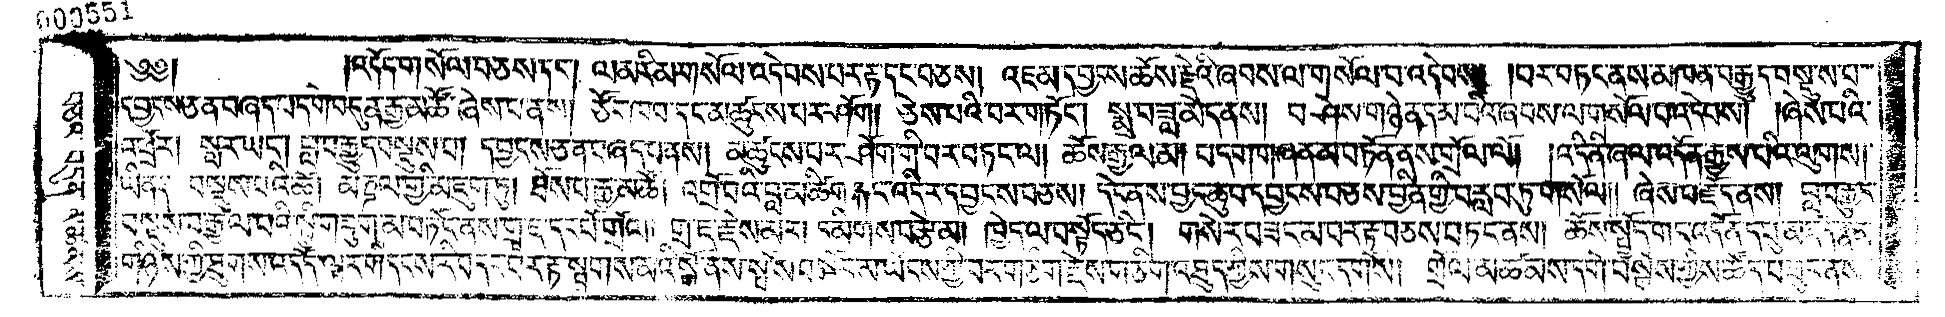༄༅། །འདོད་གསོལ་བཅས་དང་། ལམ་རིམ་གསོལ་འདེབས་པར་རྟ་དང་བཅས། འཇམ་དབྱངས་ཆོས་རྗེའི་ཞབས་ལ་གསོལ་བ་འདེབས། །བར་བཏང་ནས་མཁན་བརྒྱུད་བསྡུས་པ་
དབྱངས་ཅན་བཞད་པ་དགེ་བདུན་རྒྱ་མཚོ་ཞེས་པ་ནས། ཙོང་ཁ་བ་དང་མཚུངས་པར་ཤོག །ཅེས་པའི་བར་གཏོང་། སྨྲ་བ་ཟླ་མེད་ནས། བཤེས་གཉེན་དམ་པའི་ཞབས་ལ་གསོལ་བ་འདེབས། །ཞེས་པའི་
འཕྲོར། སླར་ཡང་། བླ་བརྒྱུད་བསྡུས་པ། དབྱངས་ཅན་བཞད་པ་ནས། མཚུངས་པར་ཤོག་གི་བར་བཏང་ལ། ཆོས་རྒྱལ་མ། བདག་གཞན་མ་བཏོན་ནས་གྲོལ་ལོ། །འདི་ནི་ཞལ་འདོན་རྒྱས་པའི་ལུགས།
ཡིན༑ བསྡུས་པའི་ཚེ། མཎྜལ་གྱི་མཇུག་ཏུ། ཐོས་པ་རྒྱ་མཚོ། འགྲོ་བའི་བླ་མ་ཚིག་རྐང་འདིར་དབྱངས་བཅས། དེང་ནས་བྱང་ཆུབ་དབྱངས་བཅས་བྱིན་གྱི་བརླབ་ཏུ་གསོལ། །ཞེས་བརྗོད་ནས། བླ་བརྒྱུད་
བསྡུས་བ་རྒྱལ་བའི་སྤྱི་གཟུགས་མ་བཏོང་ནས་གྲྭ་ཇ་དང་པོ་གྲོལ། གྲ་ཇ་རྗེས་མར། དམིགས་བརྩེ་མ། ཁྱེད་ལ་བསྟོད་ཅིང་། གསེར་བཟང་མ་བར་རྟ་བཅས་བཏང་ནས། ཆོས་སྤྱོད་གང་འདོན་དབུ་མཛད་རྣམ་
གཉིས་ཀྱི་ཐུགས་འདོད་ལྟར་གདངས་རི་བ་དང་བར་རྟ་སྦྲགས་མའི་སྒོ་ནས་སྤོས་བསྐོར་མ་ཡོངས་ཀྱི་བར་གཅིག་རྗེས་གཅིག་འཐུད་ཀྱིས་གསུང་དགོས། གྲོལ་མཚམས་དགེ་བསྒོས་ཀྱིས་ཚོད་བཟུང་ནས་